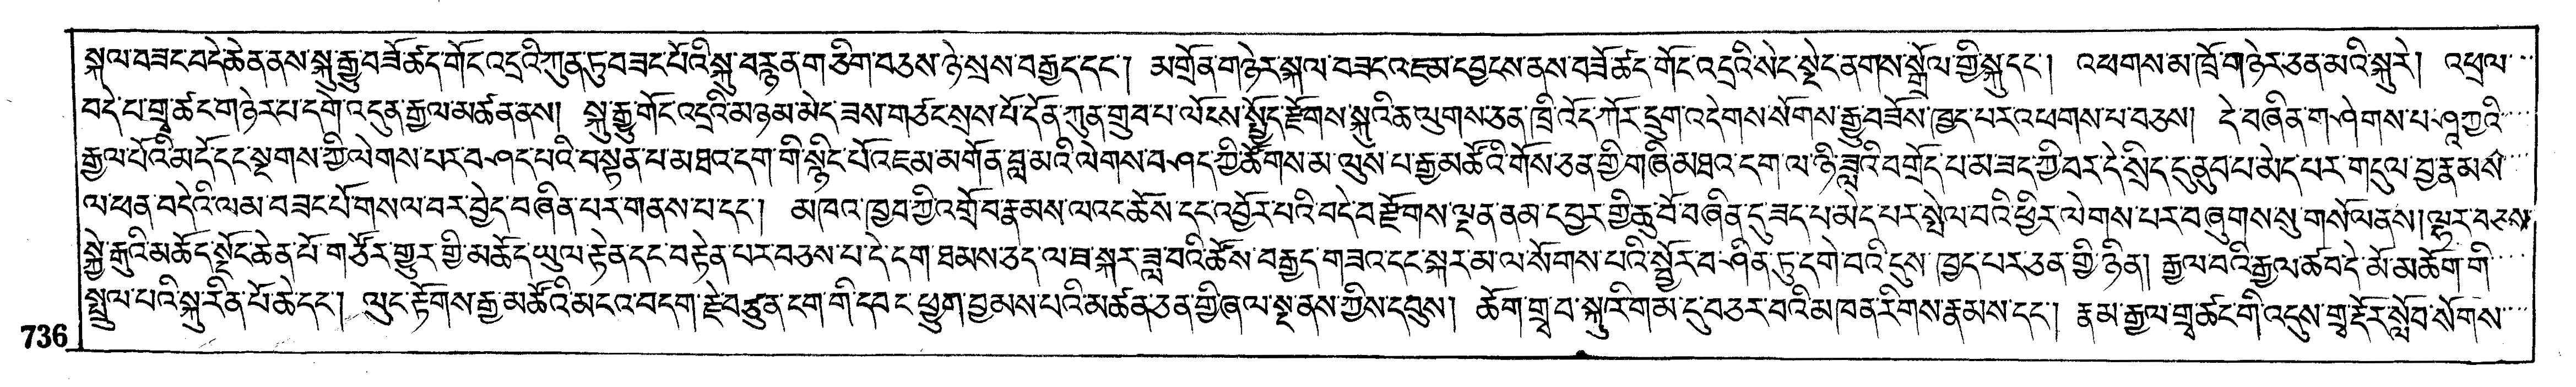སྐལ་བཟང་བདེ་ཆེན་ནས་སྐུ་རྒྱུ་བཟོ་ཚད་གོང་འདྲའི་ཀུན་ཏུ་བཟང་པོའི་སྐུ་བརྙན་གཅིག་བཅས་ཉེ་སྲས་བརྒྱད་དང་། མགྲོན་གཉེར་སྐལ་བཟང་འཇམ་དབྱངས་ནས་བཟོ་ཚད་གོངས་དྲའི་སེང་ལྡེང་ནགས་སྒྲོལ་གྱི་སྐུ་དང་། འཕགས་མ་ཁྲོ་གཉེར་ཅན་མའི་སྐུ་རེ། འཕྲལ་
བདེ་བ་གྲ་ཚང་གཉེར་པ་དགེ་འདུན་རྒྱལ་མཚན་ནས། སྐུ་རྒྱུ་གོང་འདྲའི་མཉམ་མེད་ཟས་གཙང་སྲས་པོ་དོན་ཀུན་གྲུབ་པ་ལོངས་སྤྱོད་རྫོགས་སྐུའི་ཆ་ལུགས་ཅན་ཁྲི་འོད་ཀོར་དྲུག་འདེགས་སོགས་རྒྱུ་བཟོས་ཁྱད་པར་འཕགས་པ་བཅས། དེ་བཞིན་གཤེགས་པ་ཤཱཀྱའི་
རྒྱལ་པོའི་མདོ་དང་སྔགས་ཀྱི་ལེགས་པར་བཤད་བའི་བསྟན་པ་མཐའ་དག་གི་སྙིང་པོ་འཇམ་མགོན་བླ་མའི་ལེགས་བཤད་ཀྱི་ཚོགས་མ་ལུས་པ་རྒྱ་མཚོའི་གོས་ཅན་གྱི་གཞི་མཐའ་དག་ལ་ཉི་ཟླའི་བགྲོད་པ་མ་ཟད་ཀྱི་བར་དེ་སྲིད་དུ་ནུབ་པ་མེད་པར་གདུལ་བྱ་རྣམས་
ལ་ཕན་བདེའི་ལམ་བཟང་པོ་གསལ་བར་བྱེད་བཞིན་པར་གནས་པ་དང་། མཁའ་ཁྱབ་ཀྱི་འགྲོ་བ་རྣམས་ལའང་ཆོས་དང་འབྱོར་བའི་བདེ་བ་རྫོགས་ལྡན་ནམ་དབྱར་གྱི་ཆུ་བོ་བཞིན་དུ་ཟད་པ་མེད་པར་སྤེལ་བའི་ཕྱིར་ལེགས་པར་བཞུགས་སུ་གསོལ་ནས། ལྷར་བཅས་
སྐྱེ་རྒུའི་མཆོད་སྡོང་ཆེན་པོ་གཙོར་གྱུར་གྱི་མཆོད་ཡུལ་རྟེན་དང་བརྟེན་བར་བཅས་པ་དེ་དག་ཐམས་ཅད་ལ་ཐ་སྐར་ཟླ་བའི་ཚེས་བརྒྱད་གཟའ་དང་སྐར་མ་ལ་སོགས་པའི་སྦྱོར་བ་ཤིན་ཏུ་དགེ་བའི་དུས་ཁྱད་པར་ཅན་གྱི་ཉིན། རྒྱལ་བའི་རྒྱལ་ཚབ་དེ་མོ་མཆོག་གི་
སྤྲུལ་པའི་སྐུ་རིན་པོ་ཆེ་དང་། ལུང་རྟོགས་རྒྱ་མཚོའི་མངའ་བདག་རྗེ་བཙུན་ངག་གི་དབང་ཕྱུག་བྱམས་པའི་མཚན་ཅན་གྱི་ཞལ་སྔ་ནས་ཀྱིས་དབུས། ཚོག་གྲྭ་བ་སྐུའི་གམ་དུ་བཅར་བའི་མཁན་རིགས་རྣམས་དང་། རྣམ་རྒྱལ་གྲྭ་ཚང་གི་འདུས་གྲྭ་རྡོར་སློབ་སོགས་